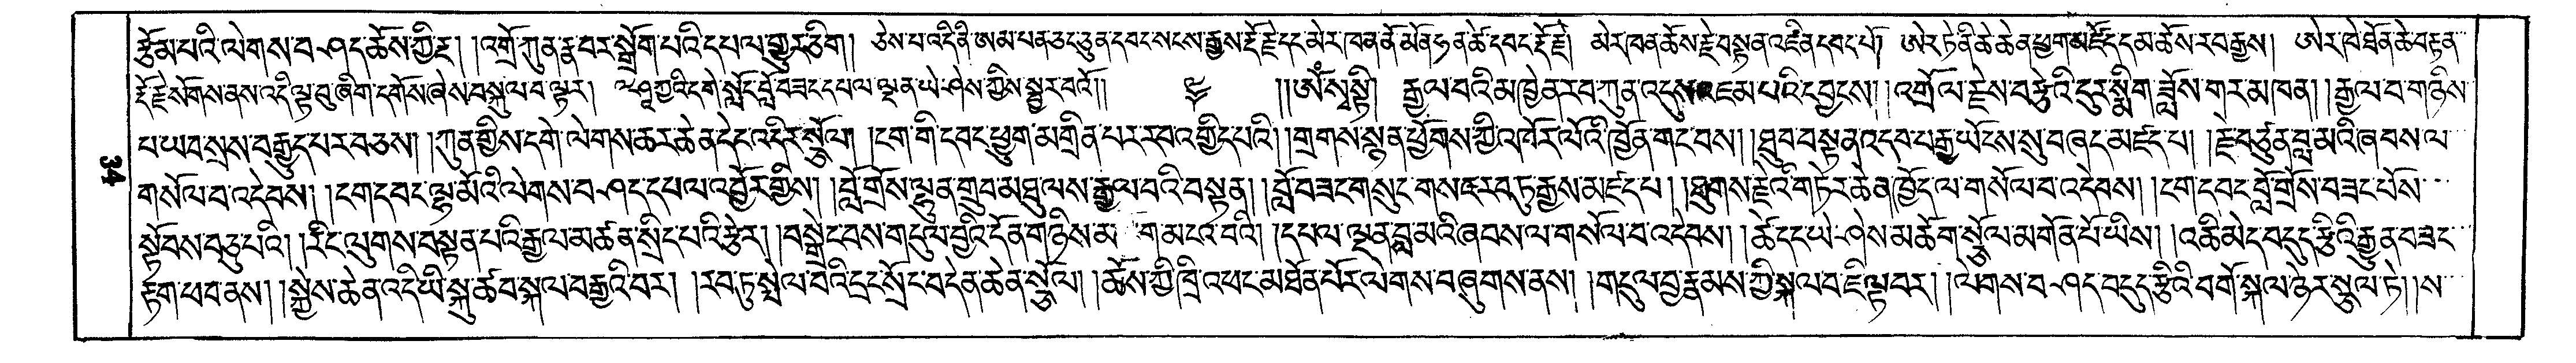རྩོམ་པའི་ལེགས་བཤད་ཆོས་ཀྱི་རྔ། །འགྲོ་ཀུན་རྣ་བར་སྒྲོག་པའི་དཔལ་གྱུར་ཅིག །ཅེས་པ་འདི་ནི་ཨམ་བན་ཅང་ཅུན་དབང་སངས་རྒྱས་རྡོ་རྗེ་དང་མེར་ཁན་ནོ་མོན་ཧན་ཚེ་དབང་རྡོ་རྗེ། མེར་ཁན་ཆོས་རྗེ་བསྟན་འཛིན་དབང་པོ། ཨེར་ཏེ་ནི་ཆེ་ཆེན་ཕྱག་མཛོད་དམ་ཆོས་རབ་རྒྱས། ཨེར་ཁེ་ཐོན་ཚེ་བརྟན་
རྡོ་རྗེ་སོགས་ནས་འདི་ལྟ་བུ་ཞིག་དགོས་ཞེས་བསྐུལ་བ་ལྟར། ༧་ཤཱཀྱའི་དགེ་སློང་བློ་བཟང་དཔལ་ལྡན་ཡེ་ཤེས་ཀྱིས་སྦྱར་བའོ།། ༈ །།ཨོཾ་སྭསྟི། རྒྱལ་བའི་མཁྱེན་རབ་ཀུན་འདུས་འཇམ་པའི་དབྱངས། །འགྲོ་ལ་རྗེས་བརྩེའི་དུར་སྨྲིག་ཟློས་གར་མཁན། །རྒྱལ་བ་གཉིས་
པ་ཡབ་སྲས་བརྒྱུད་པར་བཅས། །ཀུན་གྱིས་དགེ་ལེགས་ཆར་ཆེན་དེང་འདིར་སྩོལ། །ངག་གི་དབང་ཕྱུག་མགྲིན་པར་རབ་འགྱིང་བའི། །གྲགས་སྙན་ཕྱོགས་ཀྱི་འཁོར་ལོའི་ཁྱོན་གང་བས། །ཐུབ་བསྟན་འདབ་བརྒྱ་ཡོངས་སུ་བཞད་མཛད་པ། །རྗེ་བཙུན་བླ་མའི་ཞབས་ལ་
གསོལ་བ་འདེབས། །ངག་དབང་ལྷ་མོའི་ལེགས་བཤད་དཔལ་འབྱོར་གྱིས། །བློ་གྲོས་ལྷུན་གྲུབ་མཐུ་ལས་རྒྱལ་བའི་བསྟན། །བློ་བཟང་གསུང་གསང་རབ་ཏུ་རྒྱས་མཛད་པ། །ཐུགས་རྗེའི་གཏེར་ཆེན་ཁྱོད་ལ་གསོལ་བ་འདེབས། །ངག་དབང་བློ་གྲོས་བཟང་པོས་
སྟོབས་བཅུ་པའི། །རིང་ལུགས་བསྟན་པའི་རྒྱལ་མཚན་སྲིད་པའི་རྩེར། །བསྒྲེང་བས་གདུལ་བྱའི་དོན་གཉིས་མཆོག་མངའ་བའི། །དཔལ་ལྡན་བླ་མའི་ཞབས་ལ་གསོལ་བ་འདེབས། །ཚེ་དང་ཡེ་ཤེས་མཆོག་སྩོལ་མགོན་པོ་ཡིས། །འཆི་མེད་བདུད་རྩིའི་རྒྱུན་བཟང་
རྟག་ཕབ་ནས། །སྐྱེས་ཆེན་འདི་ཡི་སྐུ་ཚེ་བསྐལ་བརྒྱའི་བར། །རབ་ཏུ་སྤེལ་བའི་དྲང་སྲོང་བདེན་ཆེན་སྩོལ། །ཆོས་ཀྱི་ཁྲི་འཕང་མཐོན་པོར་ལེགས་བཞུགས་ནས། །གདུལ་བྱ་རྣམས་ཀྱི་སྐལ་བ་ཇི་ལྟ་བར། །ལེགས་བཤད་བདུད་རྩིའི་བགོ་སྐལ་ཉེར་སྩལ་ཏེ། །ས་